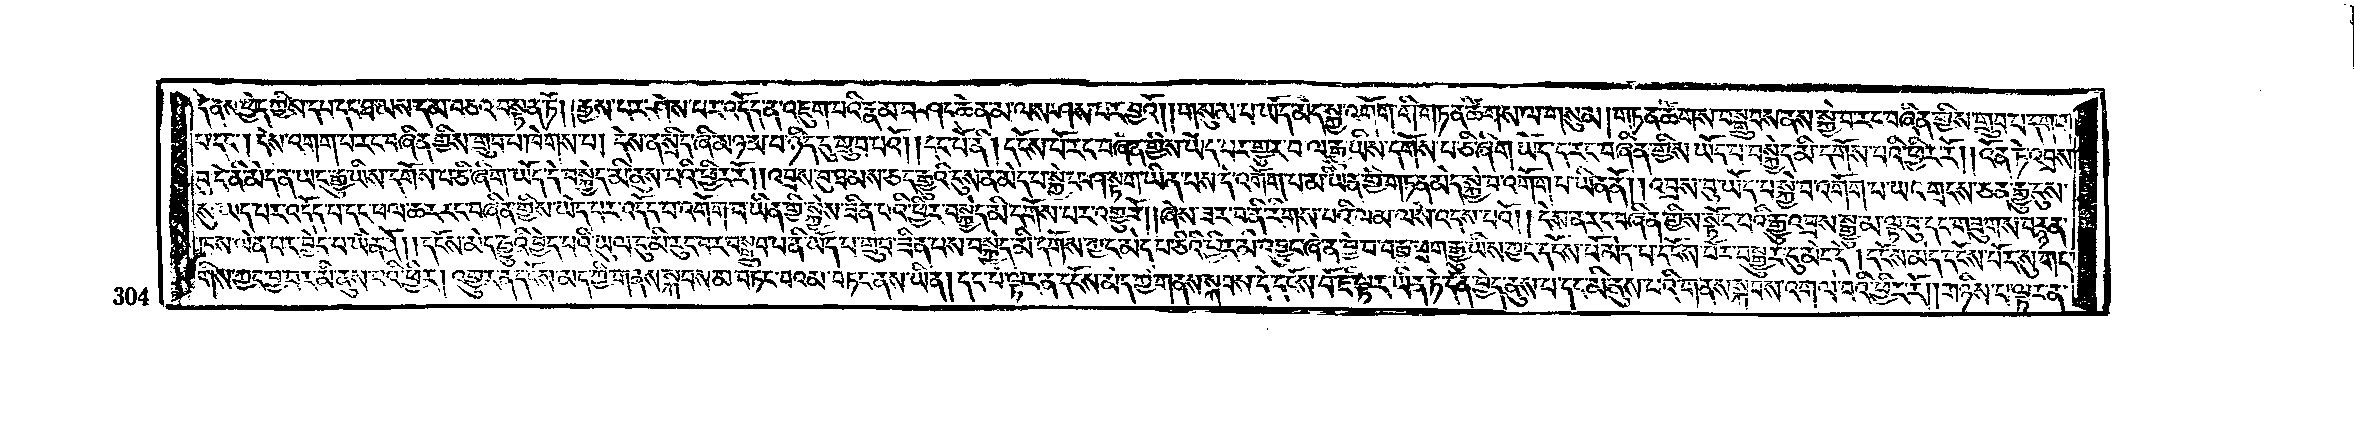དེ་ནས་ཕྱེད་ཀྱིས་དེ་དང་ཐ་མས་དམ་བཅའ་བསྟན་ཏོ། །རྒྱས་པར་ཤེས་པར་འདོད་ན་འཇུག་པའི་རྣམ་བཤད་ཆེན་མ་ལས་ཤེས་པར་བྱའོ། །གསུམ་པ་ཡོད་མེད་སྐྱེ་འགོག་གི་གཏན་ཚིགས་ལ་གསུམ། གཏན་ཚིགས་བསྒྲུབས་ནས་སྐྱེ་བ་རང་བཞིན་གྱིས་གྲུབ་པ་དགག་
པ་དང་། དེས་འགག་པ་རང་བཞིན་གྱིས་གྲུབ་པ་ཁེགས་པ། དེས་ན་སྲིད་ཞི་མཉམ་པ་ཉིད་དུ་གྲུབ་པའོ། །དང་པོ་ནི། དངོས་པོ་རང་བཞིན་གྱིས་ཡོད་པར་གྱུར་པ་ལ་རྒྱུ་ཡིས་དགོས་པ་ཅི་ཞིག་ཡོད་པ་བསྐྱེད་མི་དགོས་པའི་ཕྱིར་རོ། །འོན་ཏེ་འབྲས་
བུ་དེ་ནི་མེད་ན་ཡང་རྒྱུ་ཡིས་དགོས་པ་ཅི་ཞིག་ཡོད་དེ་བསྐྱེད་མི་ནུས་པའི་ཕྱིར་རོ། །འབྲས་བུ་ཐམས་ཅད་རྒྱུའི་དུས་ན་མེད་པ་སྐྱེ་བ་ཤ་སྟག་ཡིན་པས་དེ་འགོག་པ་མ་ཡིན་གྱི་གཏན་མེད་སྐྱེ་བ་འགོག་པ་ཡིན་ནོ། །འབྲས་བུ་ཡོད་པ་སྐྱེ་བ་འགོག་པ་ཡང་གྲངས་ཅན་རྒྱུ་དུས་
སུ་ཡོད་པར་འདོད་པ་དང་ཕལ་ཆེར་རང་བཞིན་གྱིས་ཡོད་པར་འདོད་པ་འགོག་པ་ཡིན་གྱི་སྐྱེས་ཟིན་པའི་ཕྱིར་བསྐྱེད་མི་དགོས་པར་འགྱུར་རོ། །ཞེས་ཟར་བ་ནི་རིགས་པའི་ལམ་ལས་འདས་པའོ། །དེས་ན་རང་བཞིན་གྱིས་སྟོང་བའི་རྒྱུ་འབྲས་སྒྱུར་མ་ལྟ་བུ་དང་གཟུགས་བརྙན་
ཁས་ལེན་པར་བྱེད་པ་ཡིན་ནོ། །དངོས་མེད་རྒྱུའི་བྱེད་པའི་ཡུལ་དུ་མི་རུང་བར་བསྒྲུབ་པ་ནི་ཡོད་པ་གྲུབ་ཟིན་པས་བསྐྱེད་མི་དགོས་ཀྱང་མེད་པ་ཅིའི་ཕྱིར་མི་འབྱུང་ཞེ་ན་བྱེ་བ་བརྒྱ་ཕྲག་རྒྱུ་ཡིས་ཀྱང་དངོས་པོ་མེད་པ་དངོས་པོར་བསྒྱུར་དུ་མེད་དེ། དངོས་མེད་དངོས་པོར་སུ་གང་
གིས་ཀྱང་བྱ་བར་མི་ནུས་པའི་ཕྱིར། འགྱུར་ན་དངོས་མེད་ཀྱི་གནས་སྐབས་མ་བཏང་ནས་ཡིན། དང་པོ་ལྟར་ན་དངོས་མེད་ཀྱི་གནས་སྐབས་དེ་དངོས་པོ་ཇི་ལྟར་ཡིན་ཏེ་དོན་བྱེད་ནུས་པ་དང་མི་ནུས་པའི་གནས་སྐབས་འགལ་བའི་ཕྱིར་རོ། །གཉིས་པ་ལྟར་ན་